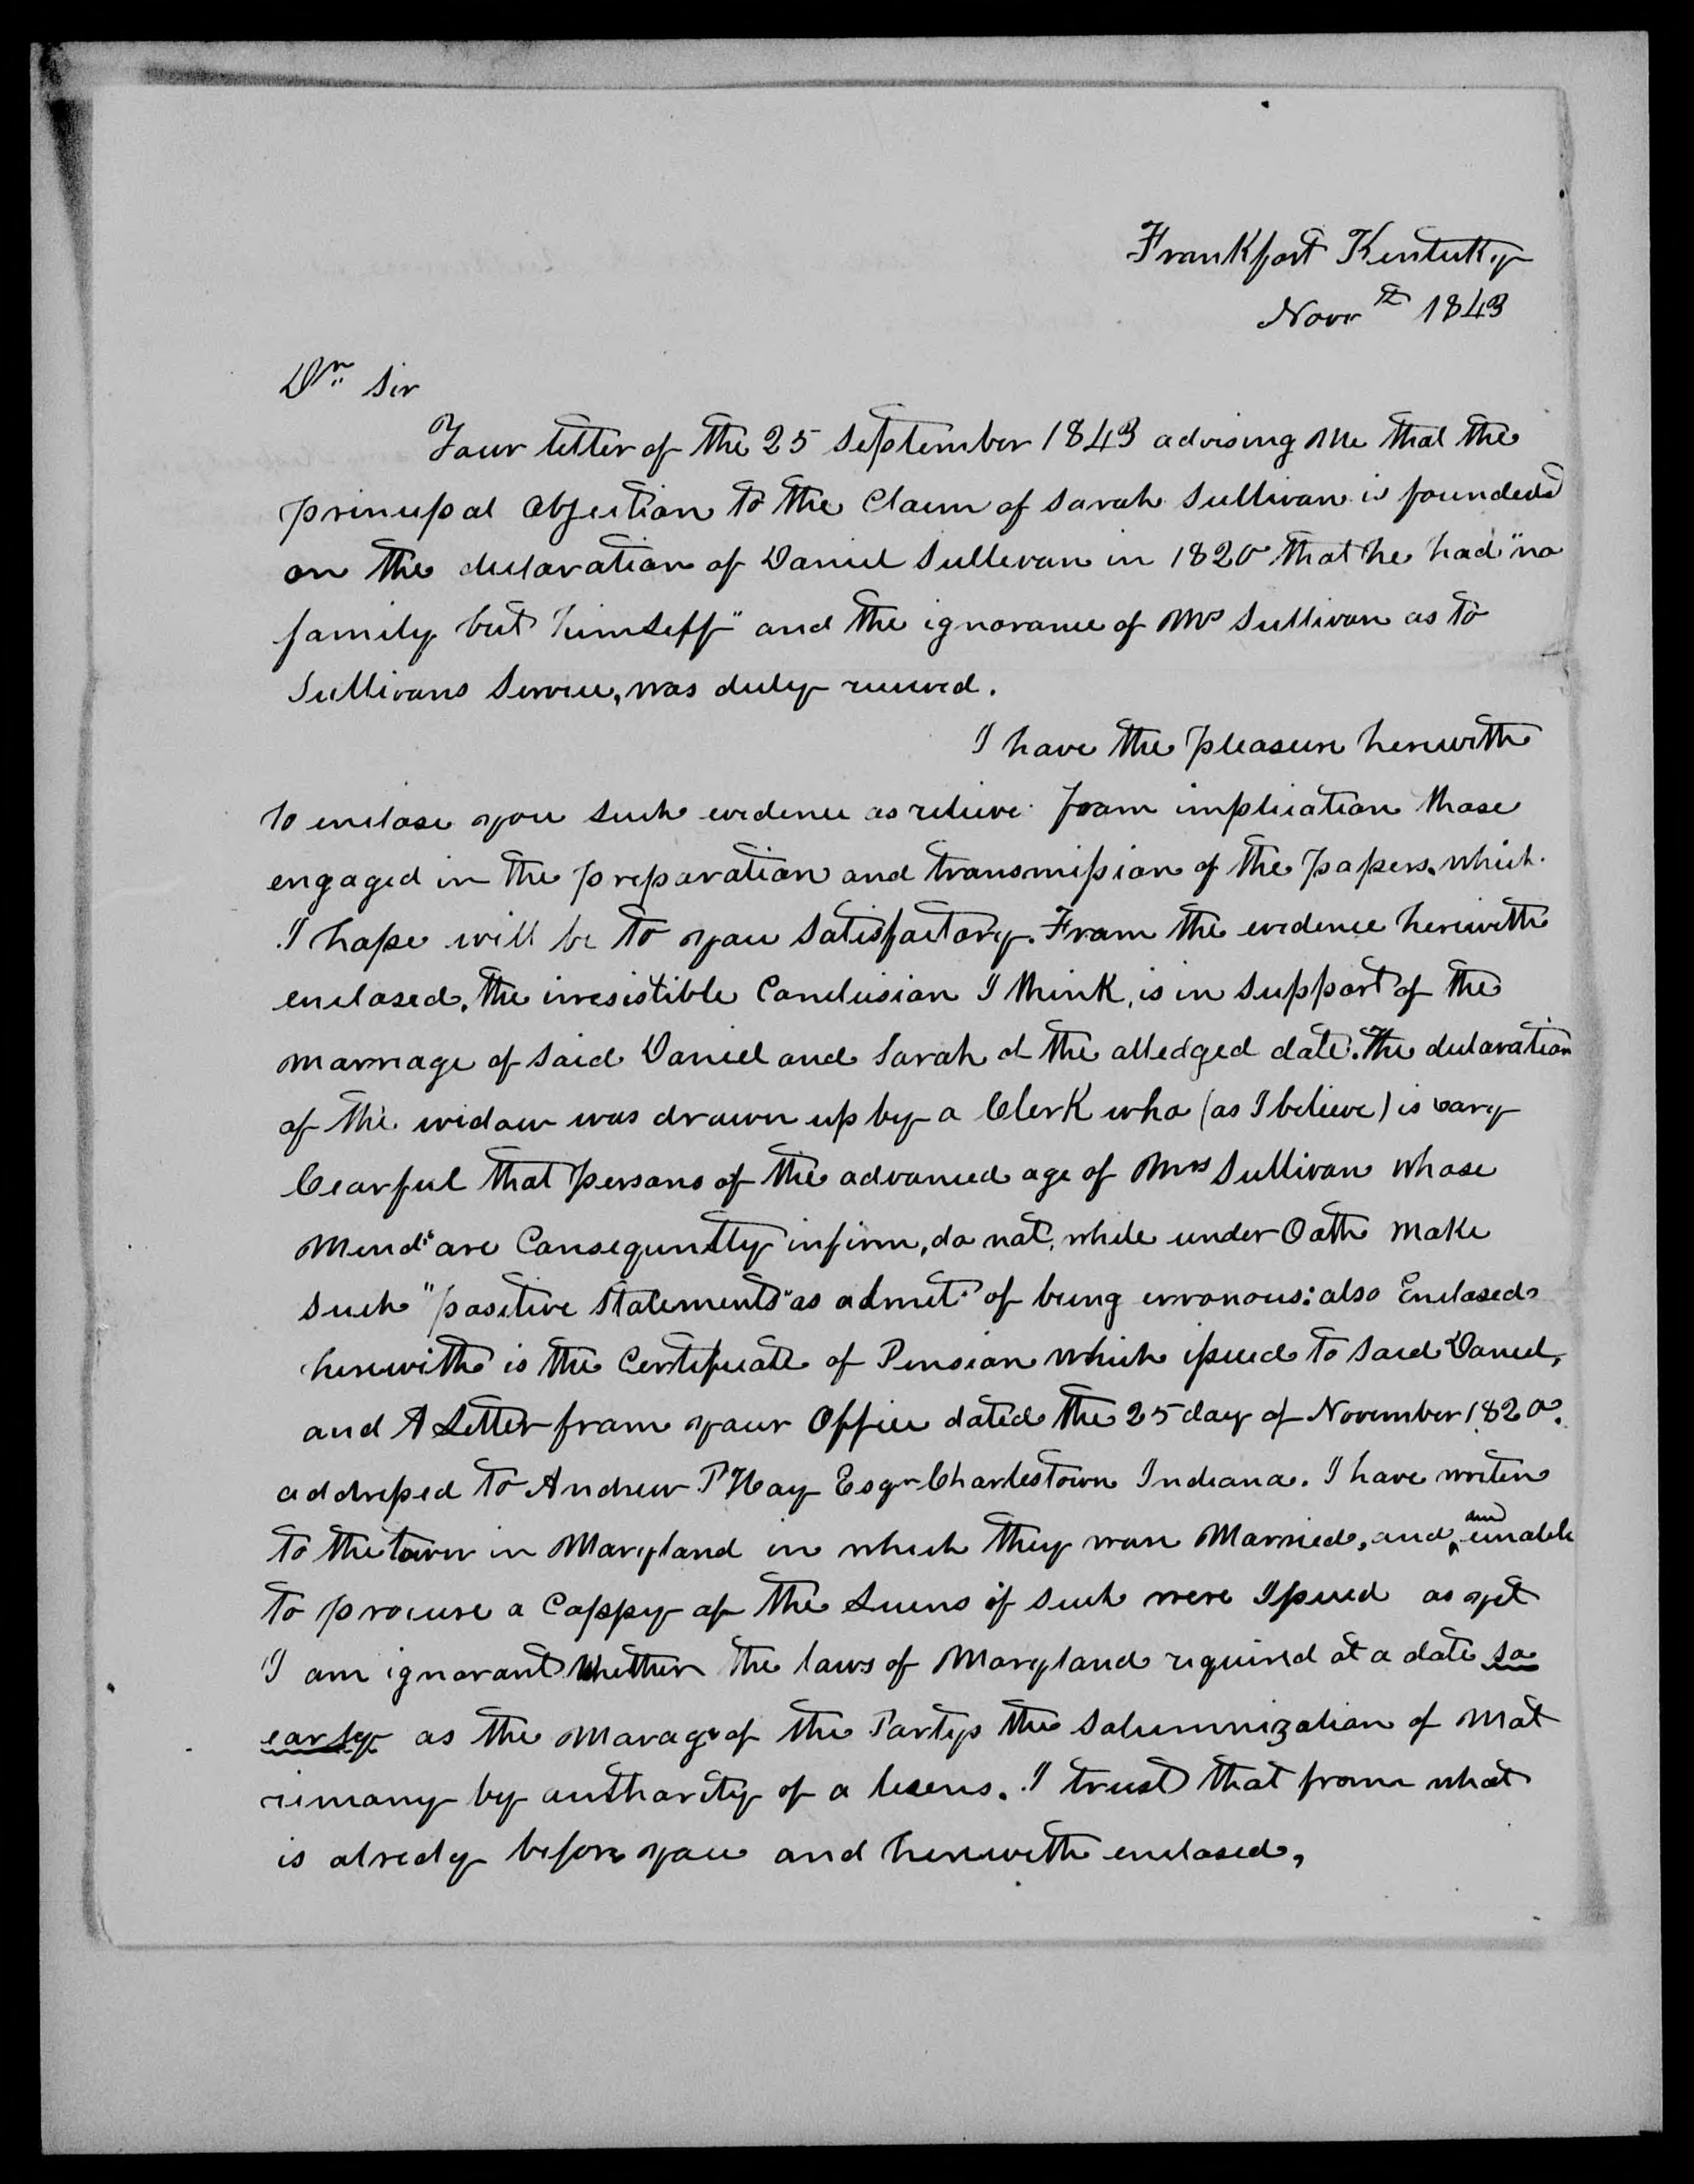Frankfort Kentucky
Nov [?]th 1843

Dear Sir
Your letter of the 25 September 1843 advising me that the principal objection to the claim of Sarah Sullivan is founded on the declaration of Daniel Sullivan in 1820 that he had no family but himself and the ignorance of Mrs Sullivan as to Sullivans Service, was duly received.
I have the pleasure herewith to enclose you such evidence as relieve from implication those engaged in the preparation and transmission of the papers which I hope will be to you satisfactory. From the evidence herewith enclosed, the irresistible Conclusion I think, is in support of the marriage of said Daniel and Sarah on the alledged date. The declaration of the widow was drawn up by a clerk who (as I believe) is very cearful [careful]that persons of the advanced age of Mrs Sullivan whose minds are consequently infirm, do not, while under oath make such positive Statements as admit of being erronous: also enclosed herewith is the certificate of Pension which issued to said Daniel and a Letter from your office dated the 25 day of November 1820 addressed to Andrew T Hay Esqr Charlestown Indiana. I have written to the town in Maryland in which they were married, and am unable to procure a coppy [copy] of the sums[sp] if such were issued as yet
I am ignorant whether the laws of Maryland required at a date so early as the Marage of the partys the solumnizatian of Matrimony by authority of a lisens [license]. I trust that from what is already before you and herewith enclosed,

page: 60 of 78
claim: widow's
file: W. 25,169, for Daniel Sullivan, Maryland